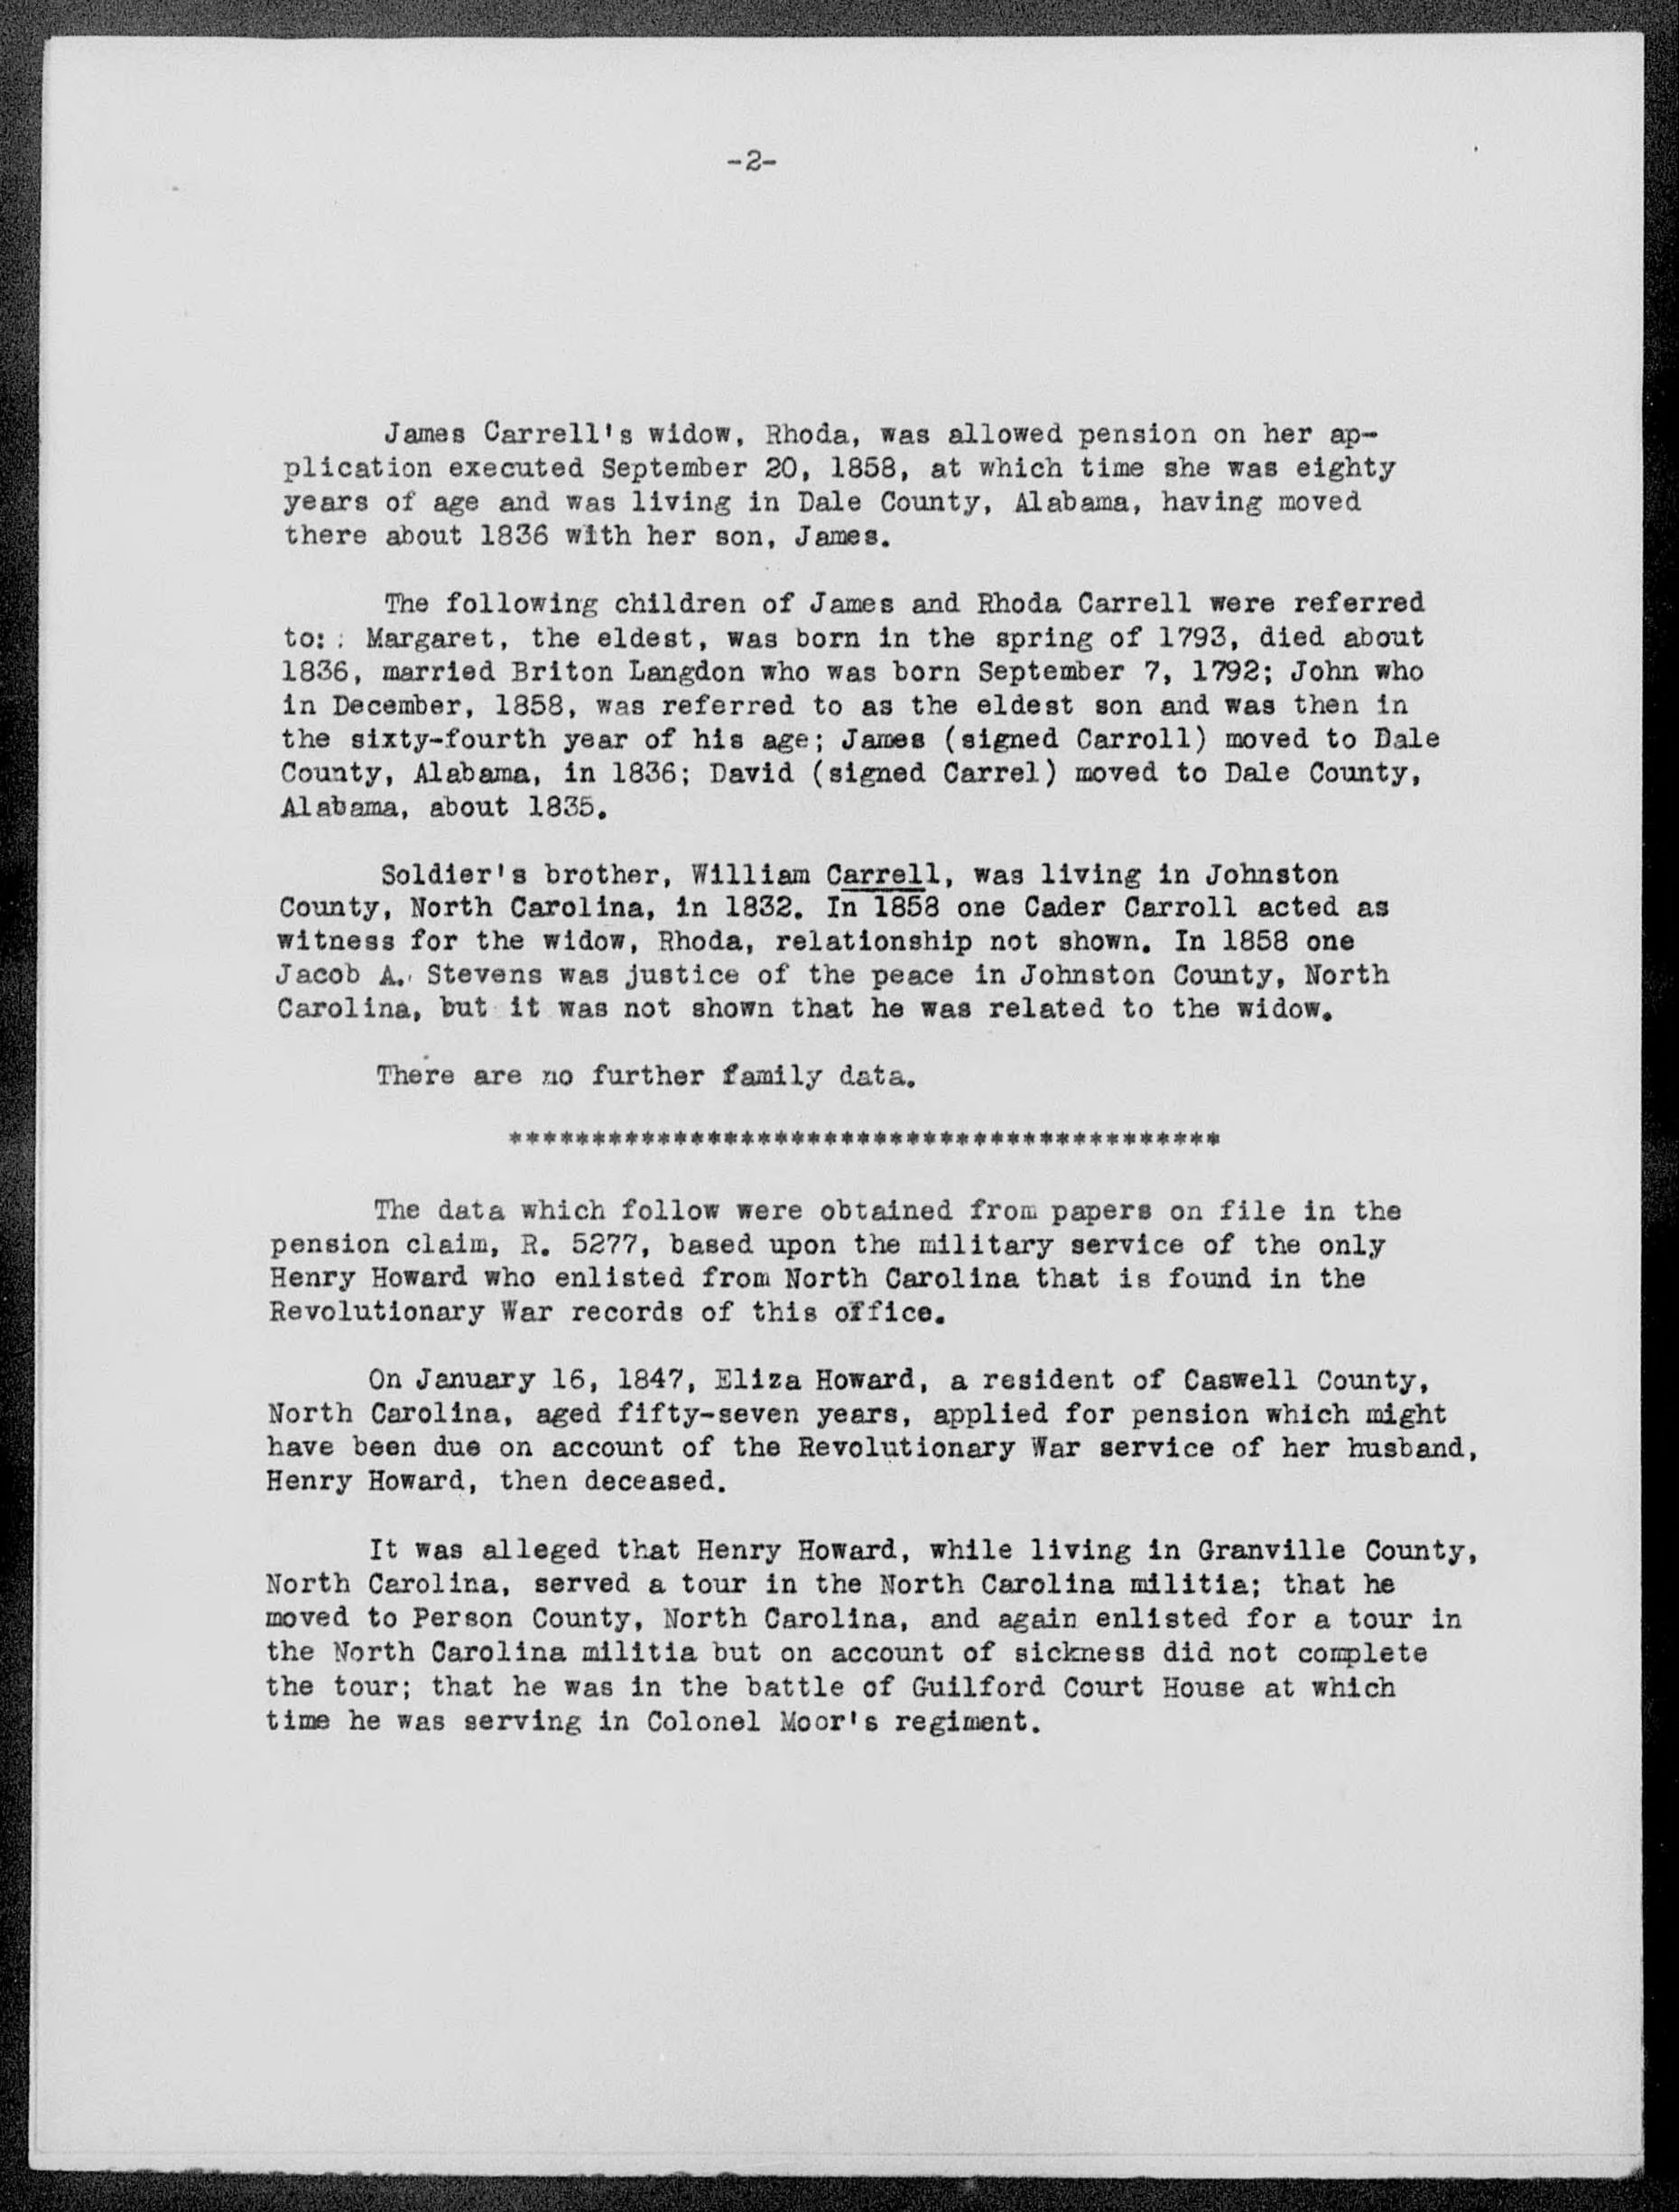James Carrell's widow, Rhoda, was allowed pension on her application executed September 20, 1858, at which time she was eighty years of age and was living in Dale County, Alabama, having moved there about 1836 with her son, James.

The following children of James and Rhoda Carrell were referred to: Margaret, the eldest, was born in the spring of 1793, died about 1836, married Briton Langdon who was born September 7, 1792; John who in December, 1858, was referred to as the eldest son and was then in the sixty-fourth year of his age; James (signed Carroll) moved to Dale County, Alabama, in 1836; David (signed Carrel) moved to Dale County, Alabama, about 1835.

Soldier's brother, William Carrell, was living in Johnston County, North Carolina, in 1832. In 1858 one Cader Carroll acted as a witness for the widow, Rhoda, relationship not shown. In 1858 one Jacob A. Stevens was justice of the peace in Johnston County, North Carolina, but it was not shown that he was related to the widow.

There are no further family data.

The data which follow were obtained from papers on file in the pension claim, R. 5277, based upon the military service of the only Henry Howard who enlisted from North Carolina that is found in the Revolutionary war records of this office.

On January 16, 1847, Eliza Howard, a resident of Caswell County, North Carolina, aged fifty-seven years, applied for pension which might have been due on account of the Revolutionary War service of her husband, Henry Howard, then deceased.

It was alleged that Henry Howard, while living in Granville County, North Carolina, served a tour in the North Carolina Militia; that he moved to Person County, North Carolina, and again enlisted for a tour in the North Carolina militia but on account of sickness did not  complete the tour; that he was in the battle of Guilford Court House at which time he was serving in Colonel Moor's regiment.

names: William Carrell, Carroll, Jacob Stevens, Carrel, James Carrell, John, Eliza Howard, Henry Howard, Margaret, Henry Howard, Rhoda Carrell, James Carrell, Henry Howard, James, James, Briton Langdon, Rhoda, James Carrell, Cader Carroll, David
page: 28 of 86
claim: widow's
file: W. 6899, James Carrell, N.C.